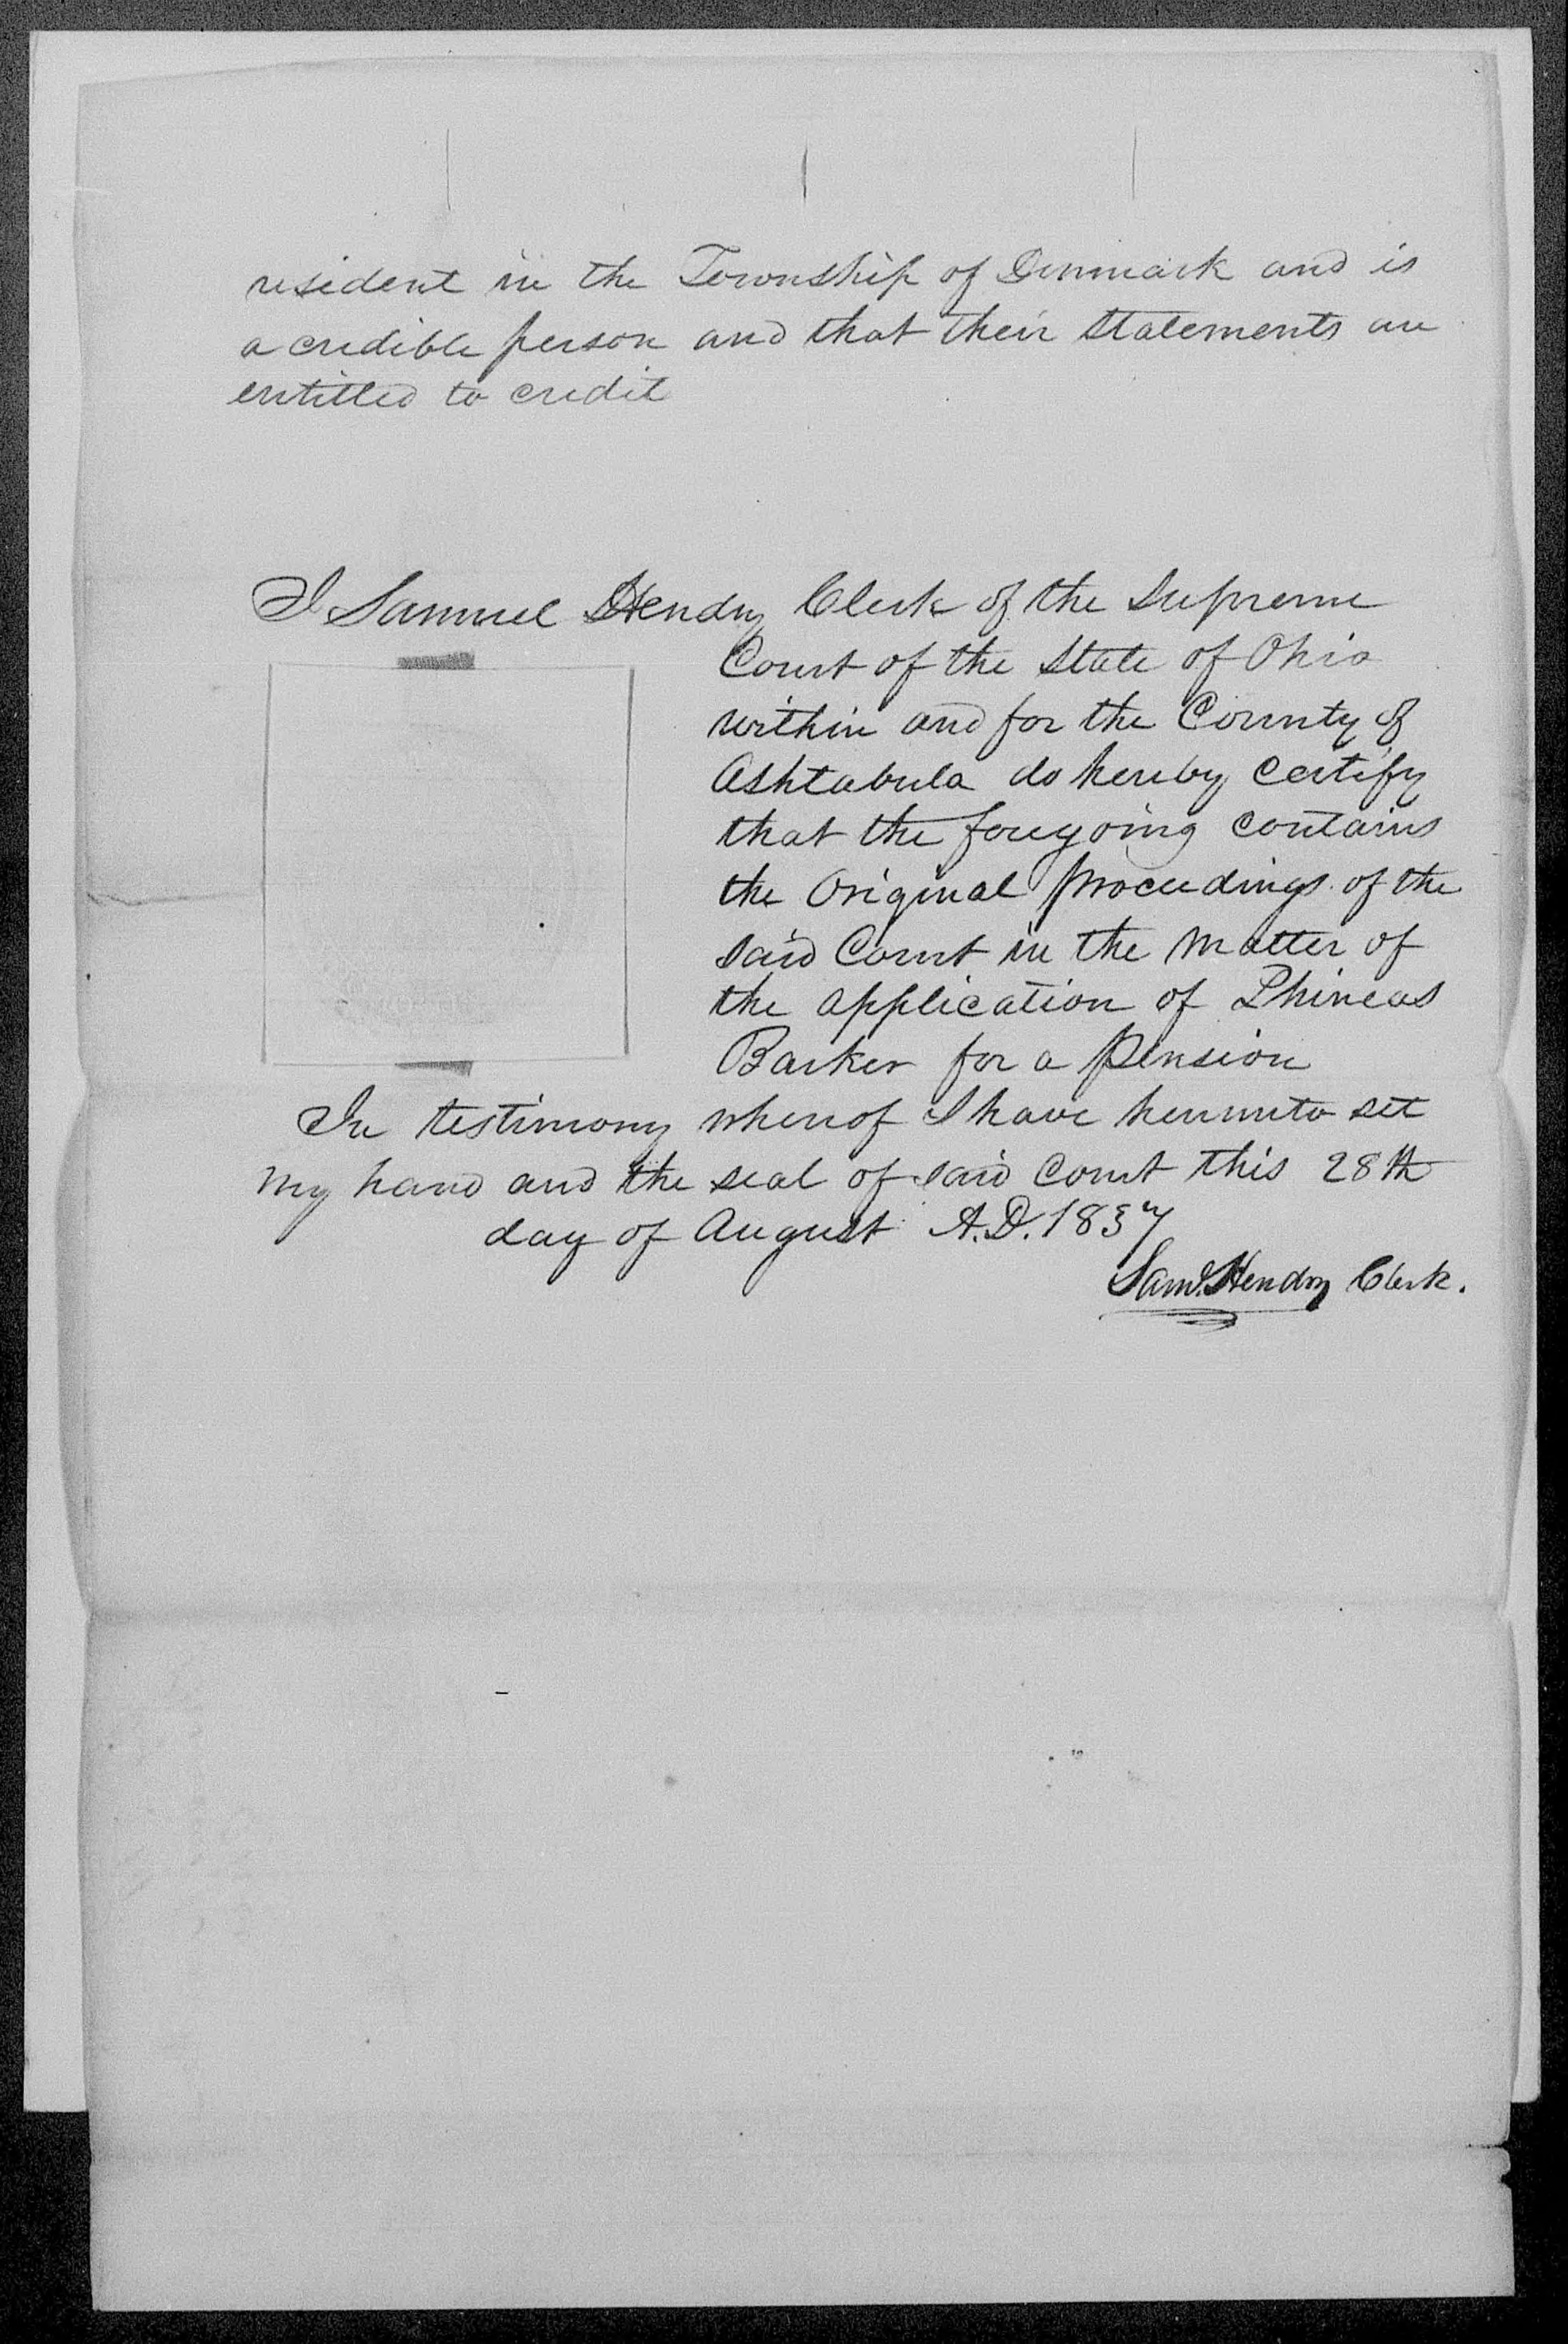resident in the Township of Denmark and is a credible person and that their statements are entitled to credit.   
I Samuel Hendry Clerk of the Supreme Court of the State of Ohio within and for the County of Ashtabula do hereby certify that the foregoing contains the original proceedings of the said court in the matter of the application of Phineas Barker for a pension.  
In testimony whereof I have hereunto set my have hand and the seal of said Court this 28th day of August A.D. 1837  
Saml Hendry Clerk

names: Saml Hendry, Samuel Hendry, Phineas Barker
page: 8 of 35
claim: rejected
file: R. 501, Phineas Barker, Conn. Privateer